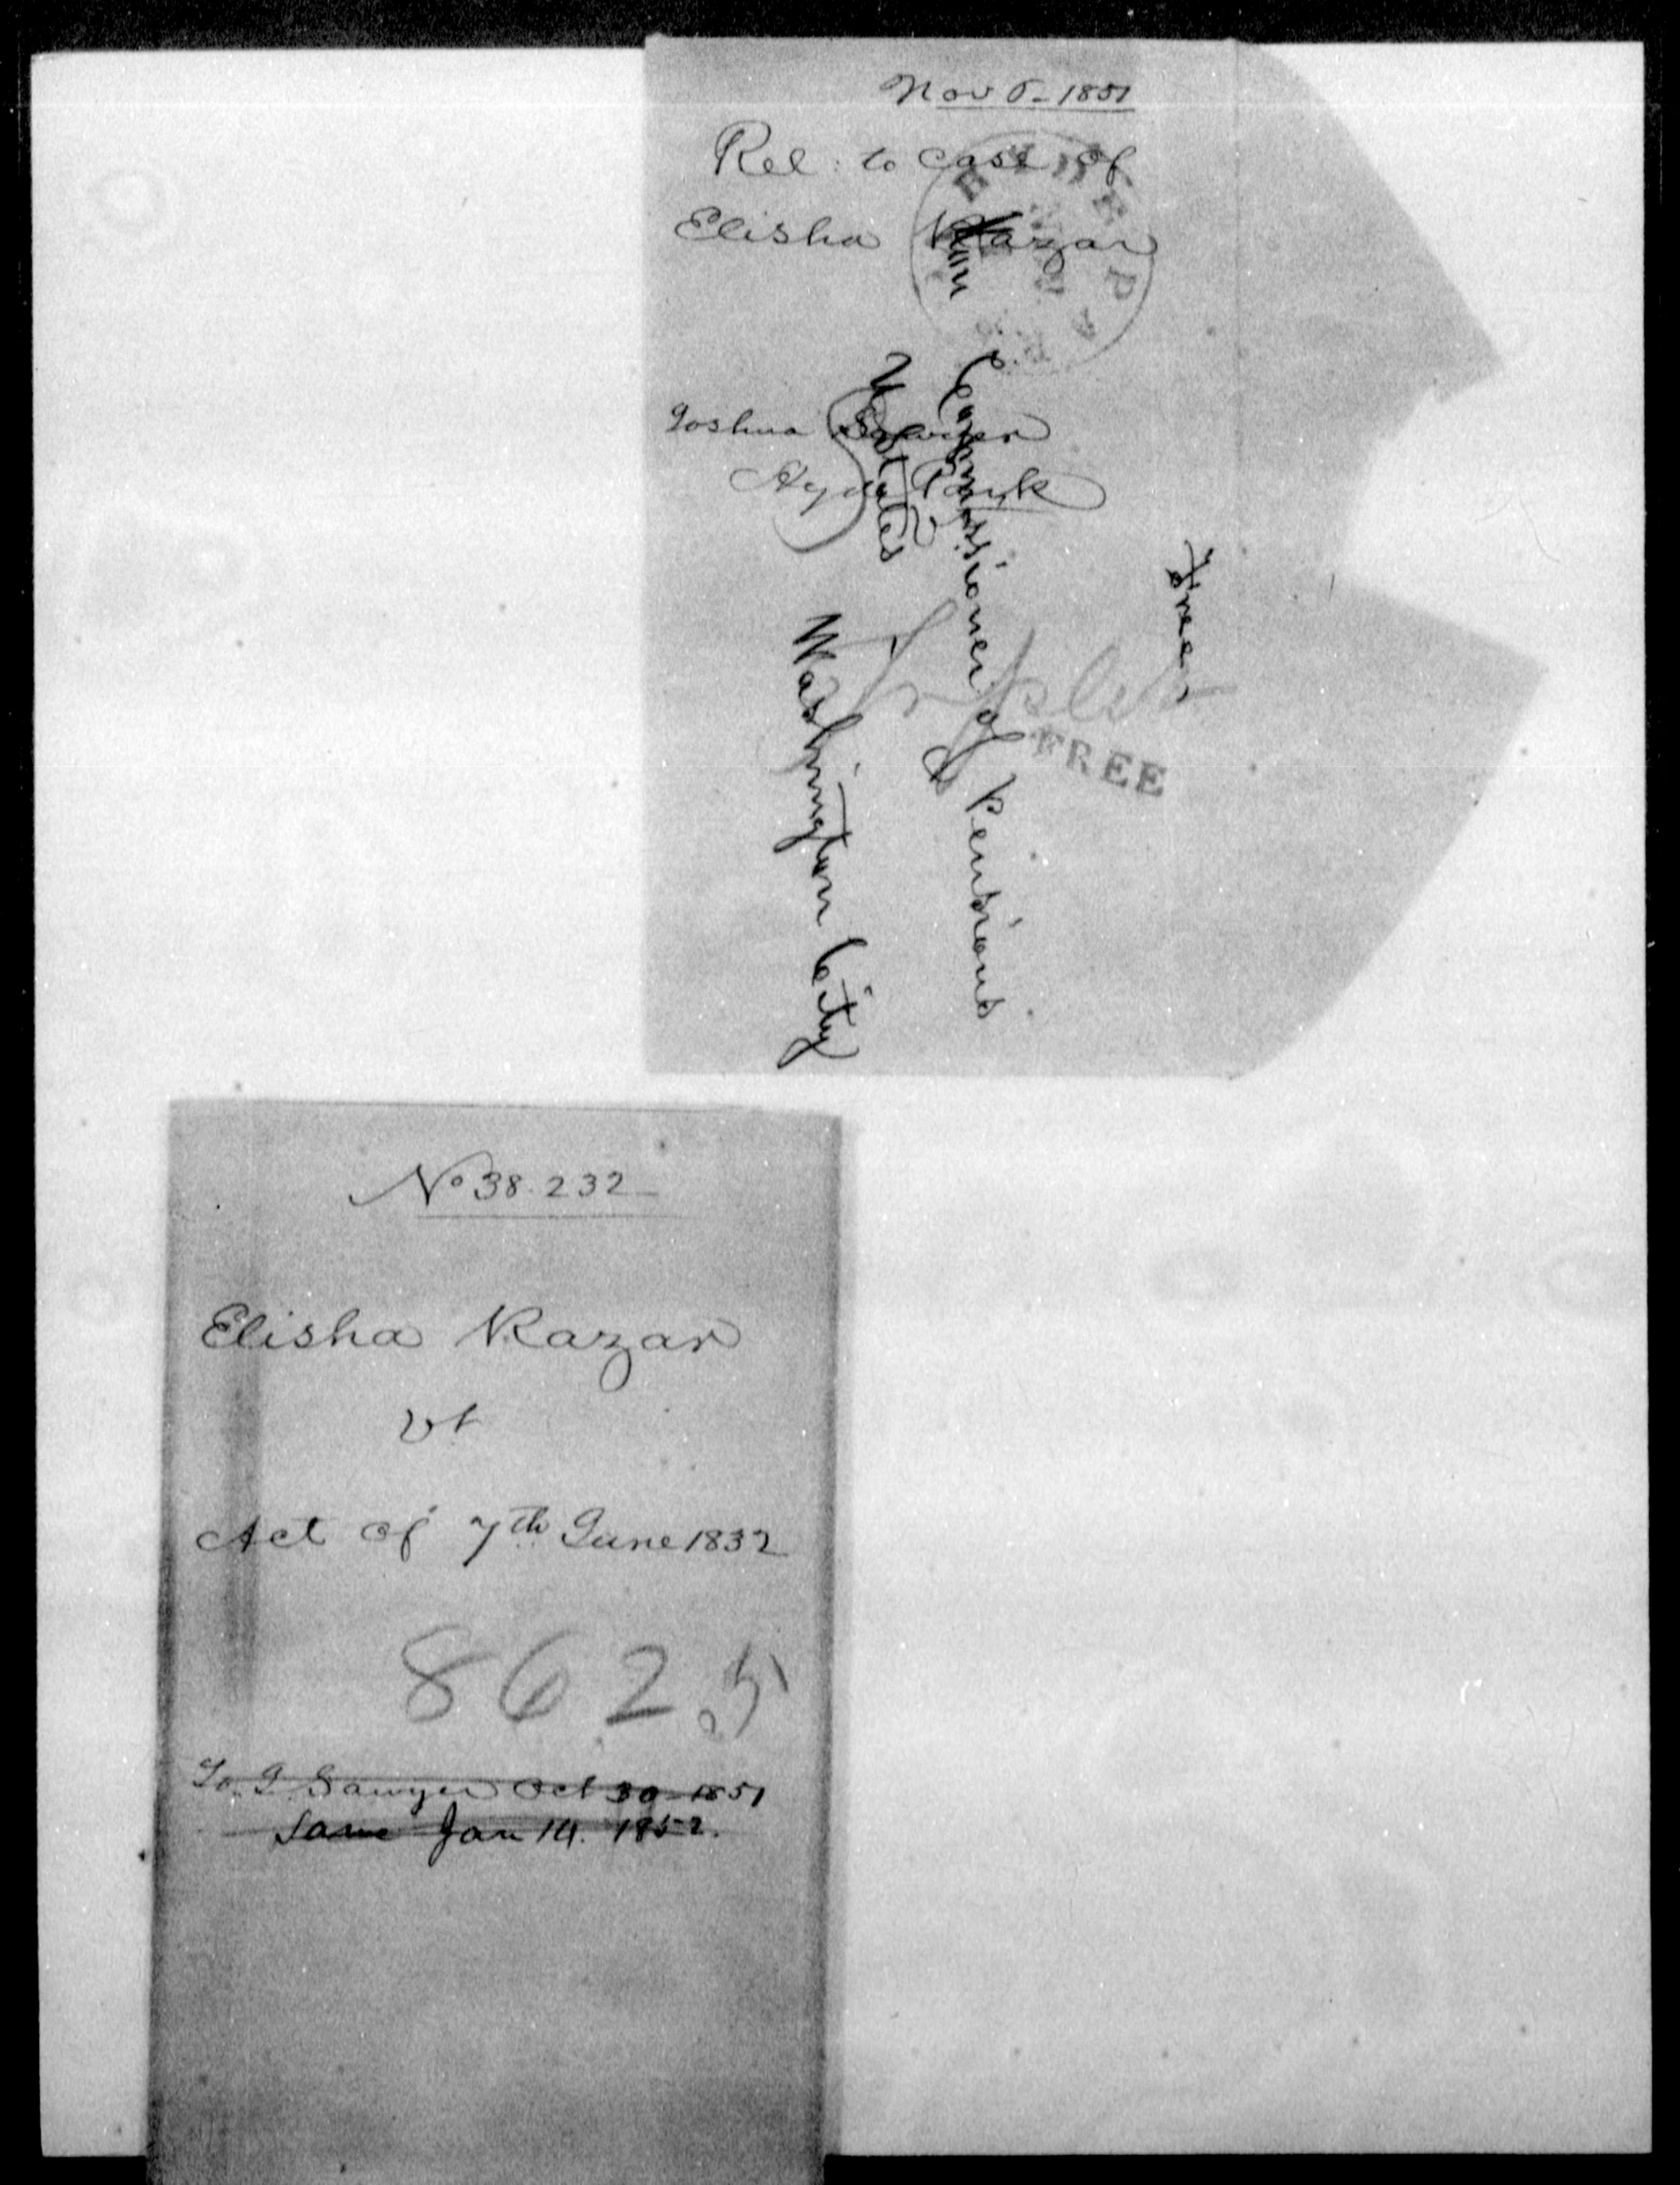Nov. 8, 1857

Rel. to case of Elisha Razar

Joshua Davison
Hyde Payle

Free,

Attn Commissioner of Pensions
U. States Washington City

No 38.232
Elisha Razan V Act of 7th June 1832

8626
To J. Sawyer Oct 30 1857
same Jan 14. 1952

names: J Sawyer; Elisha Razar; Joshua Davison; Elisha Razar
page: 12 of 30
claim: rejected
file: R. 8625, for Elisha Razar, Connecticut